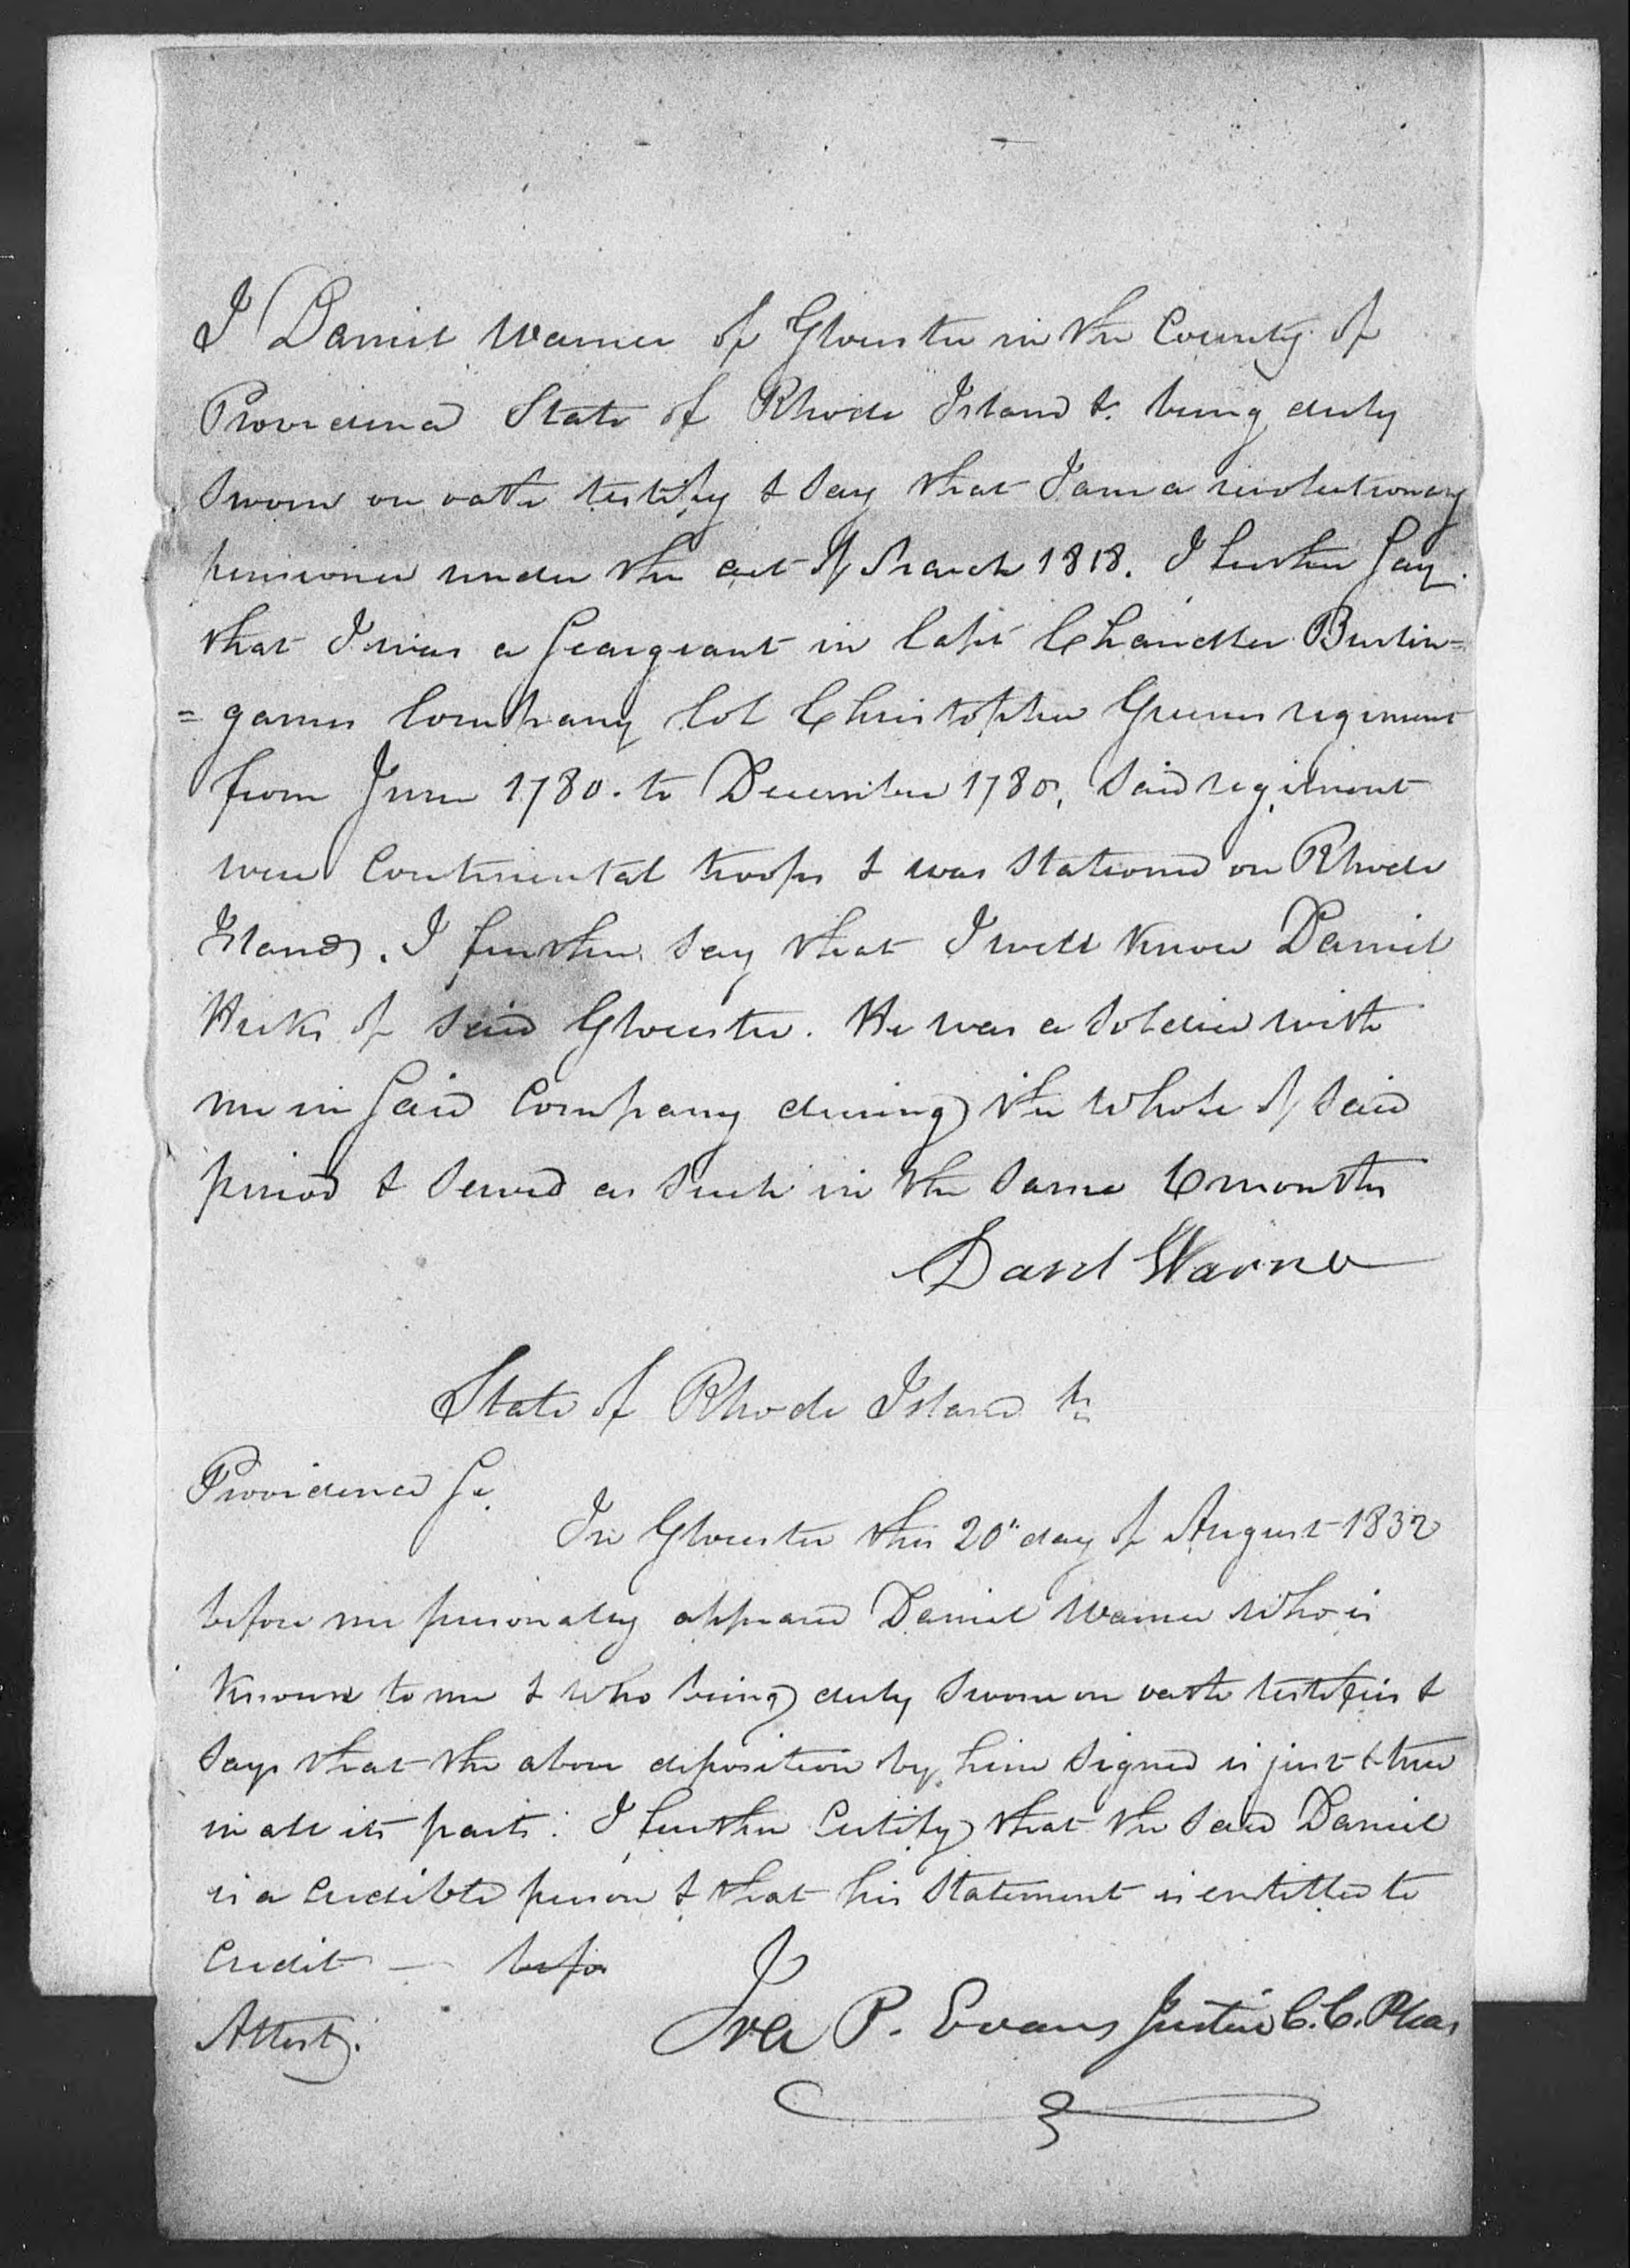I Daniel Warner of Glouster in the County of
Providence State of Rhode Island & being duly
sworn on oath testify & say that I am a revolutionary
pensioner under the act of March 1818. I further say
that I was a Seargeant in Capt Chandler Burlin
same Company Col Christopher Greenes regiment
from June 1780 to December 1780. said regiment
were continental troops & was stationed on Rhode
Island. I further say that I well know Daniel
Hicks of said Glouster. He was a soldier with
me in said Company during the whole of said
period & served as such in the same 6 month
/s/ David Warner

State of Rhode Island
Providence ss.
In Glouster this 20" day of August 1832
before me personally appeared Daniel Warner who is
known to me who being duly sworn on oath testifies &
say that the above deposition by him signed is first & true
in all its parts. I further certify that the said Daniel
is a credible person & that his statement is entitled to
Credit - before
Attest Ira P. Evans Justice C.C. Pleas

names: Danl Warner, Ira P Evans, Daniel Warner, Daniel Warner, Daniel Hicks, Daniel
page: 12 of 17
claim: survivor's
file: S. 21285, Daniel Hicks, R.I.